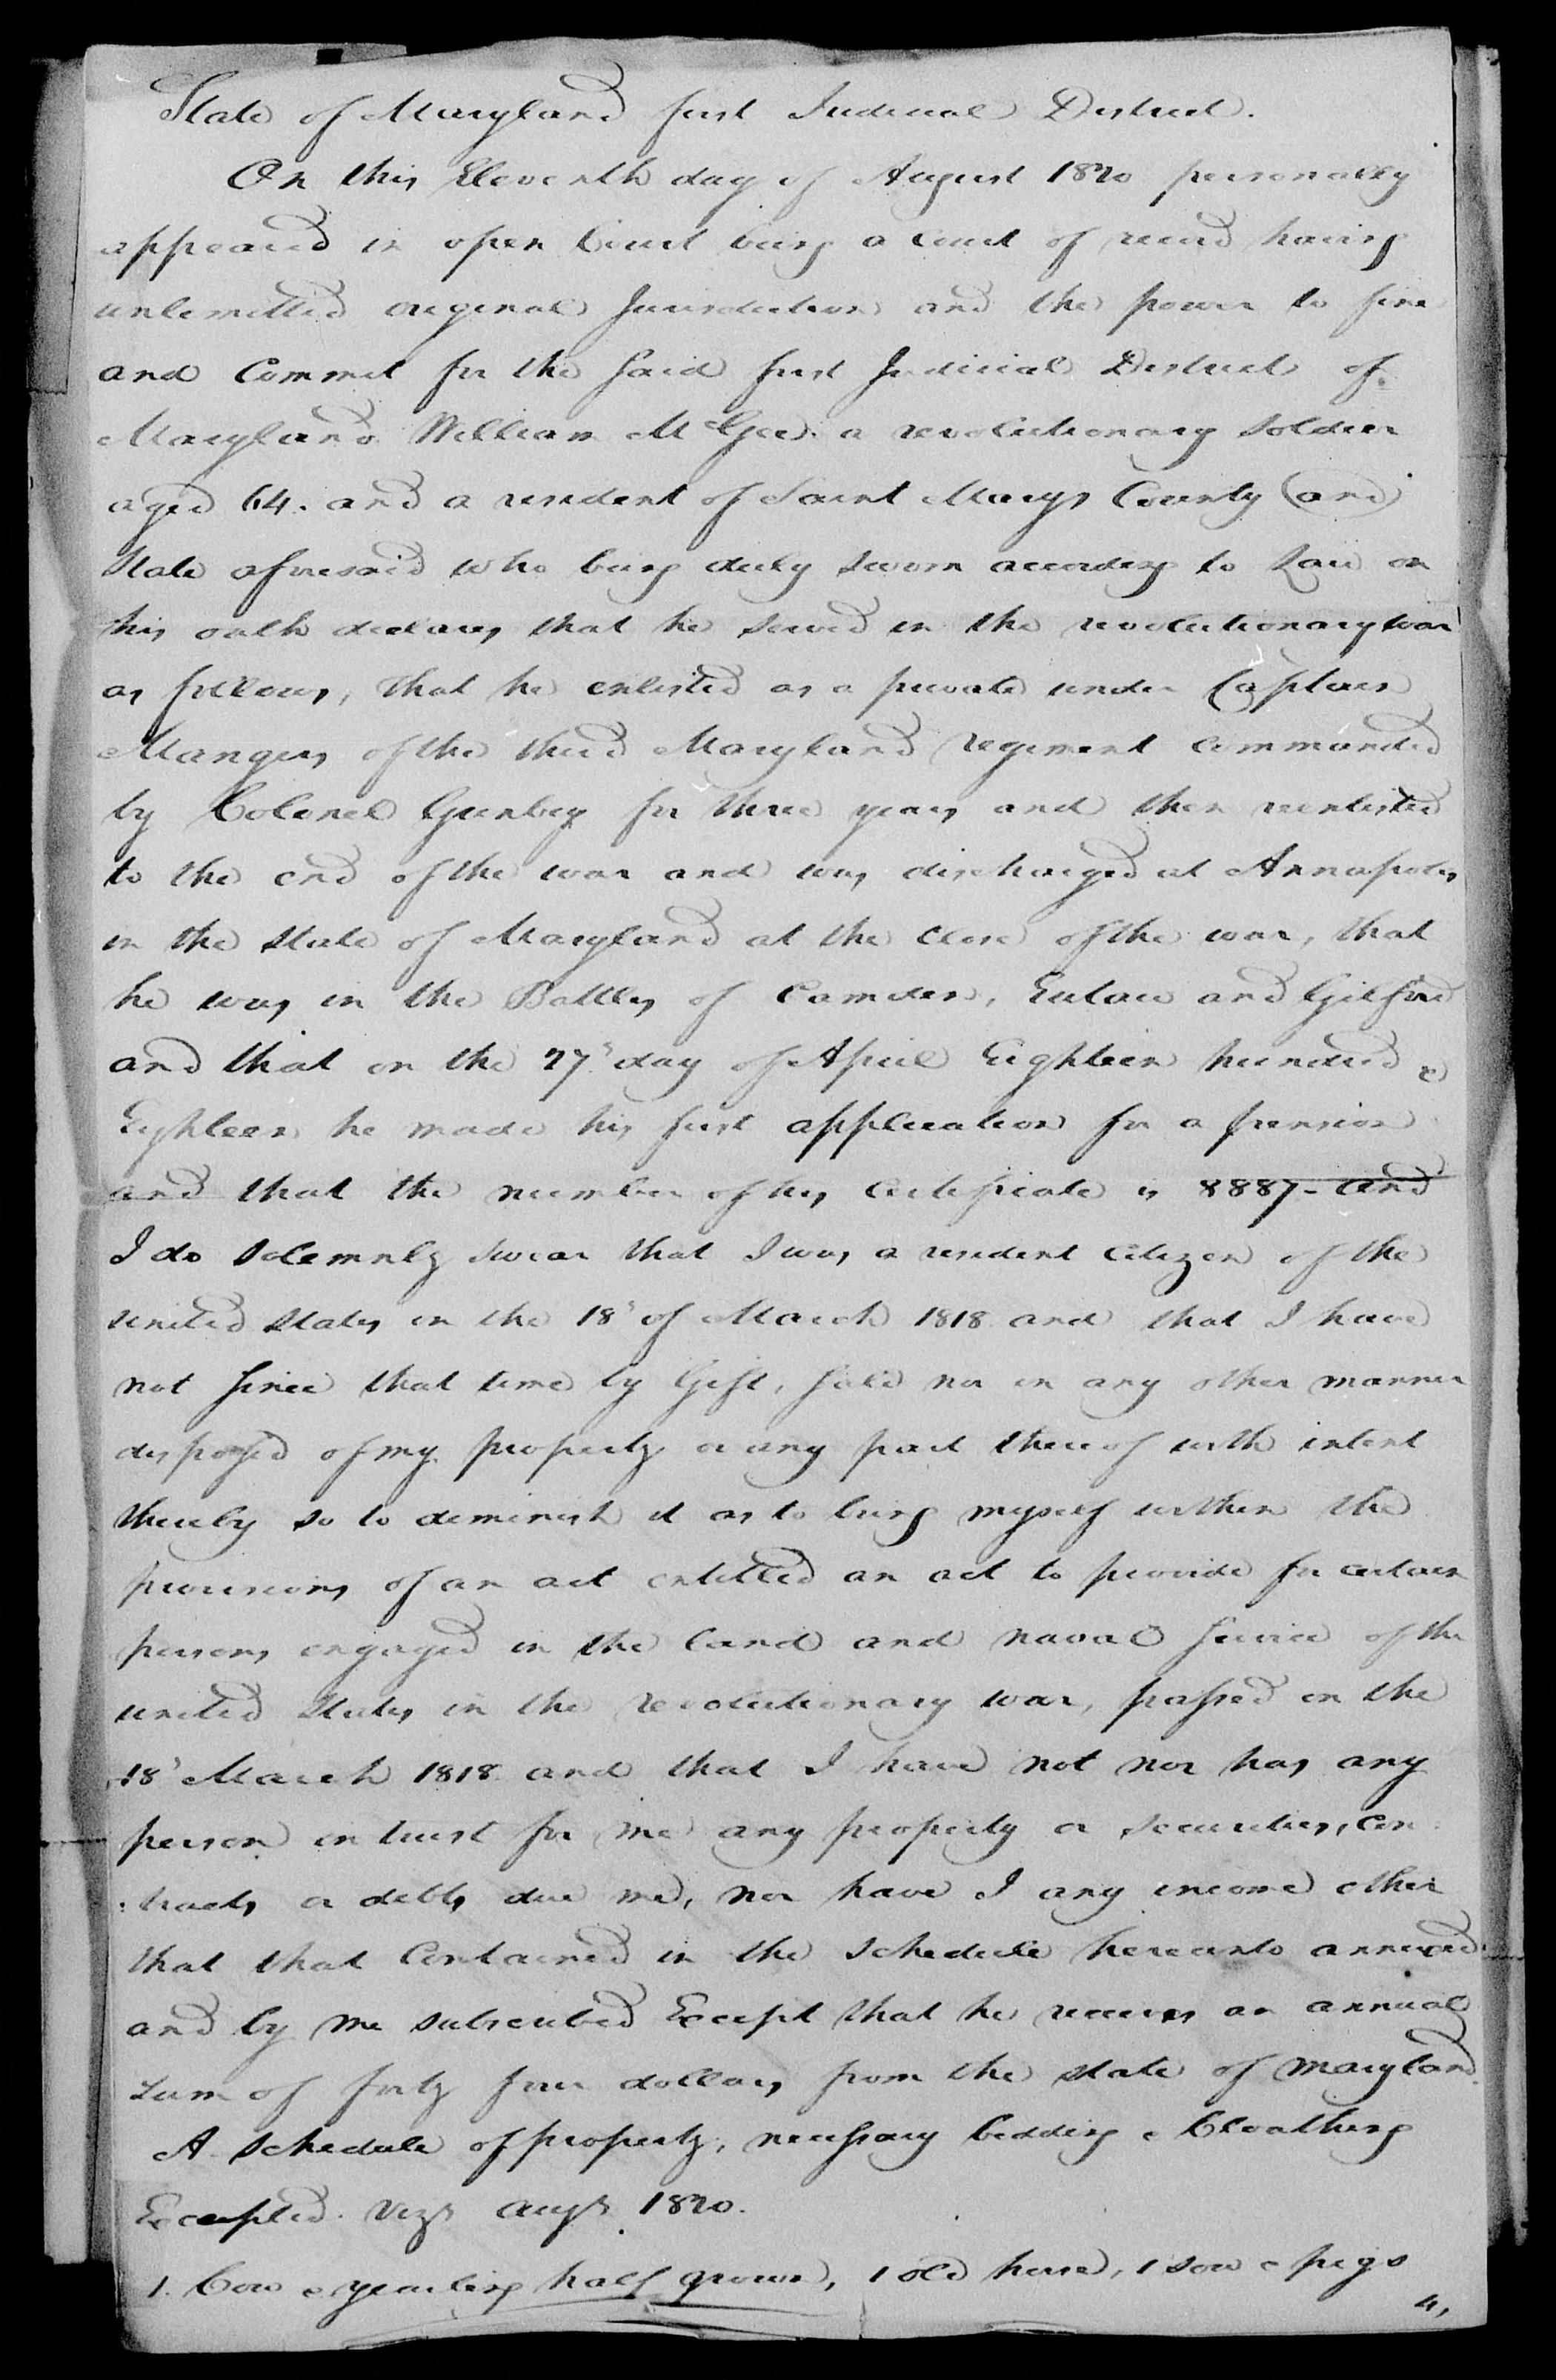State of Maryland} first Judicial District 

On this eleventh day of August 1820 personally appeared in open court being a court of record having unlimited original jurisdiction and the power to fine and commit for the said first Judicial District of Maryland William M Gee, a revolutionary soldier, aged 64 and a resident of Saint Mary's County and State aforesaid, who being duly sworn according to law on his oath declares that he served in the revolutionary war as follows, that he enlisted as a private under Captain Mangess [cannot find this name] of the Third Maryland regiment commanded by Colonel Gunbey [John Gunby] for three years and then reenlisted to the end of the war and was discharged at Annapolis in the State of Maryland at the close of the war, that he was in the Battles of Camden, Eutaw and Gilford [Guilford] and that on the 27 day of April Eighteen hundred and eighteen he made his first application for a pension and that the number of his certificate is 8887-and I do solemnly swear that I was a resident citizen of the United States on the 18th of March 1818 and that I have not since that time by gift, sale, nor in any other manner disposed of my property or any part thereof with intent thereby so to diminish it as to bring myself within the provision of an act entitled an act to provide for certain persons engaged in the land and naval service of the United States in the revolutionary war, passed on the 18th March 1818 and that I have not nor has any person in trust for me any property or securities, contracts, or debts, due me, nor have I any income other than that contained in the schedule hereunto annexed and by me subscribed except that he receives an annual sum of forty four dollars from the state of Maryland. 

A schedule of property, necessary bedding & clothing 
Excepted viz Augt [August] 1820.
1. Cow a yearling half grown, 1 old [Illegible] 1 sow & pigs
4,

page: 7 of 17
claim: survivor's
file: S. 34980, for William Mc Gee, Maryland